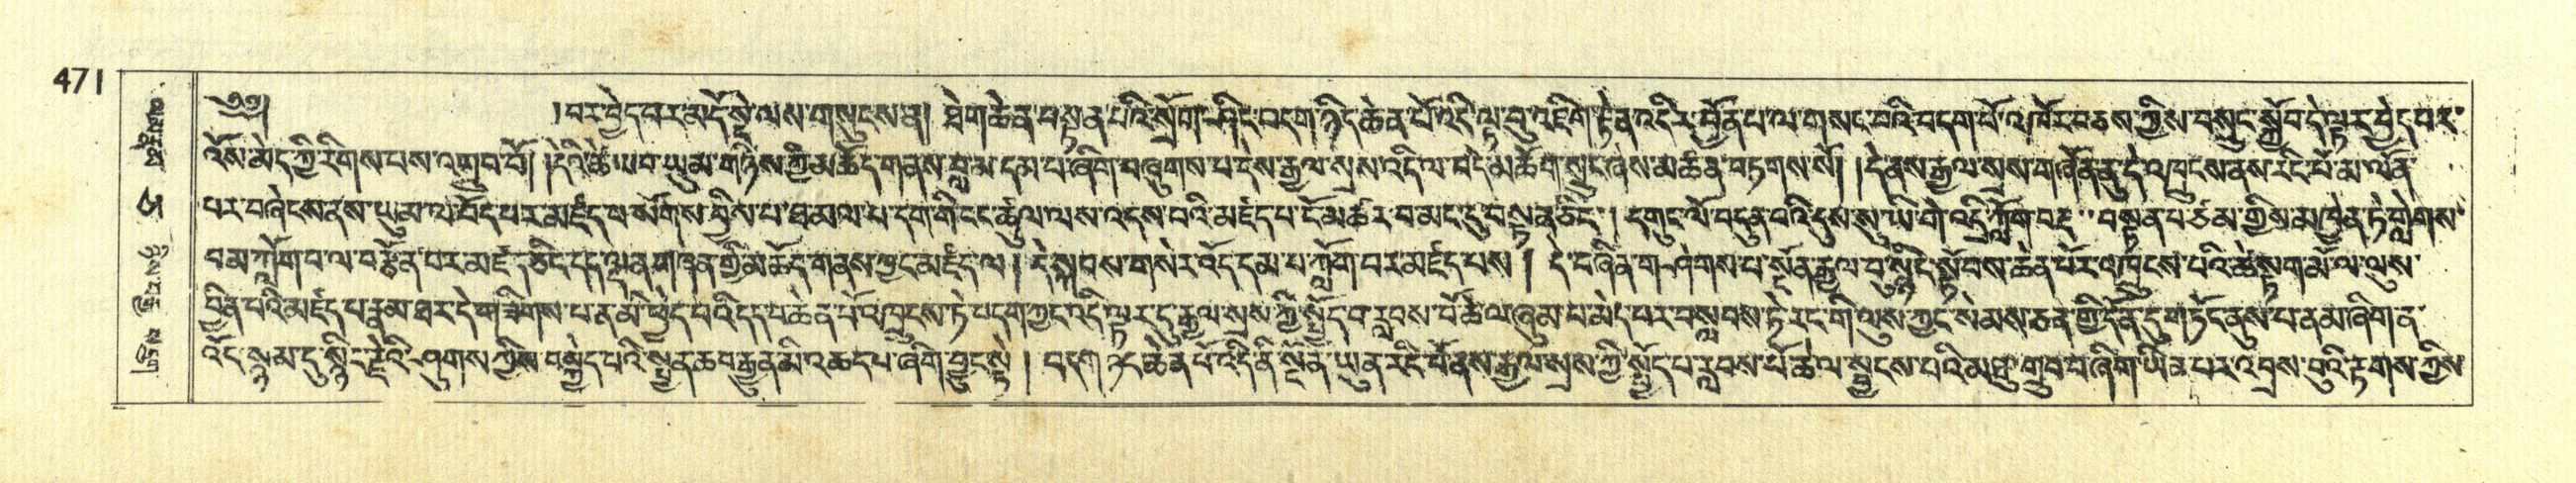༄༅། །བར་བྱེད་བར་མདོ་སྡེ་ལས་གསུངས་ན། ཐེག་ཆེན་བསྟན་པའི་སྲོག་ཤིང་བདག་ཉིད་ཆེན་པོ་འདི་ལྟ་བུ་འཇིག་རྟེན་འདིར་བྱོན་པ་ལ་གསང་བའི་བདག་པོ་འཁོར་བཅས་ཀྱིས་བསྲུང་སྐྱོབ་དེ་ལྟར་བྱེད་པར་
འོས་མེད་ཀྱི་རིགས་པས་འགྲུབ་བོ། །དེའི་ཚེ་ཡབ་ཡུམ་གཉིས་ཀྱི་མཆོད་གནས་བླ་མ་དམ་པ་ཞིག་བཞུགས་པ་དེས་རྒྱལ་སྲས་འདི་ལ་བདེ་མཆོག་སྲུང་ཞེས་མཚན་བཏགས་སོ། །དེ་ནས་རྒྱལ་སྲས་གཞོན་ནུ་དེ་འཁྲུངས་ནས་རིང་པོ་མ་ལོན་
པར་བཞེངས་ནས་ཡུམ་ལ་བོད་པར་མཛད་པ་སོགས་བྱིས་པ་ཐ་མལ་པ་དག་གི་ངང་ཚུལ་ལས་འདས་པའི་མཛད་པ་ངོ་མཚར་བ་མང་དུ་བསྟན་ཅིང་། དགུང་ལོ་བདུན་བའི་དུས་སུ་ཡི་གེ་འདྲི་ཀློག་བརྡ་བསྟན་པ་ཙམ་གྱིས་མཁྱེན་ཏེ་གླེགས་
བམ་ཀློག་པ་ལ་བརྩོན་པར་མཛད། ཅིང་དད་ལྡན་གཞན་གྱི་མཆོད་གནས་ཀྱང་མཛད་ལ། དེ་སྐབས་གསེར་འོད་དམ་པ་ཀློག་བར་མཛད་པས། དེ་བཞིན་གཤེགས་པ་སྔོན་རྒྱལ་བུ་སྙིང་སྟོབས་ཆེན་པོར་འཁྲུངས་པའི་ཚེ་སྟག་མོ་ལ་ལུས་
བྱིན་པའི་མཛད་པ་རྣམ་ཐར་དེ་གཟིགས་པ་ན་མི་ཕྱེད་པའི་དད་པ་ཆེན་པོ་འཁྲུངས་ཏེ་བདག་ཀྱང་འདི་ལྟར་དུ་རྒྱལ་སྲས་ཀྱི་སྤྱོད་པ་རླབས་པོ་ཆེ་ལ་ཞུམ་པ་མེད་པར་བསླབས་ཏེ་རང་གི་ལུས་ཀྱང་སེམས་ཅན་གྱི་དོན་དུ་གཏོང་ནུས་པ་ནམ་ཞིག་ན་
འོད་སྙམ་དུ་སྙིང་རྗེའི་ཤུགས་ཀྱིས་བསྐྱེད་པའི་སྤྱན་ཆབ་རྒྱུན་མི་འཆད་པ་ཞིག་བྱུང་སྟེ། བདག་ཉིད་ཆེན་པོ་འདི་ནི་སྔོན་ཡུན་རིང་པོ་ནས་རྒྱལ་སྲས་ཀྱི་སྤྱོད་པ་རླབས་པོ་ཆེ་ལ་སྦྱངས་པའི་མཐུ་གྲུབ་པ་ཞིག་ཡིན་པར་འབྲས་བུའི་རྟགས་ཀྱིས་